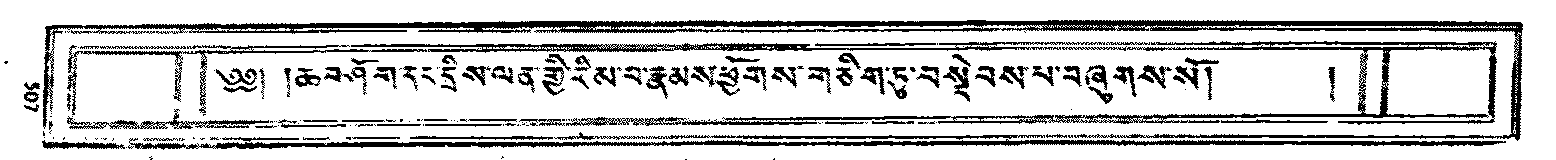༄༅། །ཆབ་ཤོག་དང་དྲིས་ལན་གྱི་རིམ་པ་རྣམས་ཕྱོགས་གཅིག་ཏུ་བསྡེབས་པ་བཞུགས་སོ། །